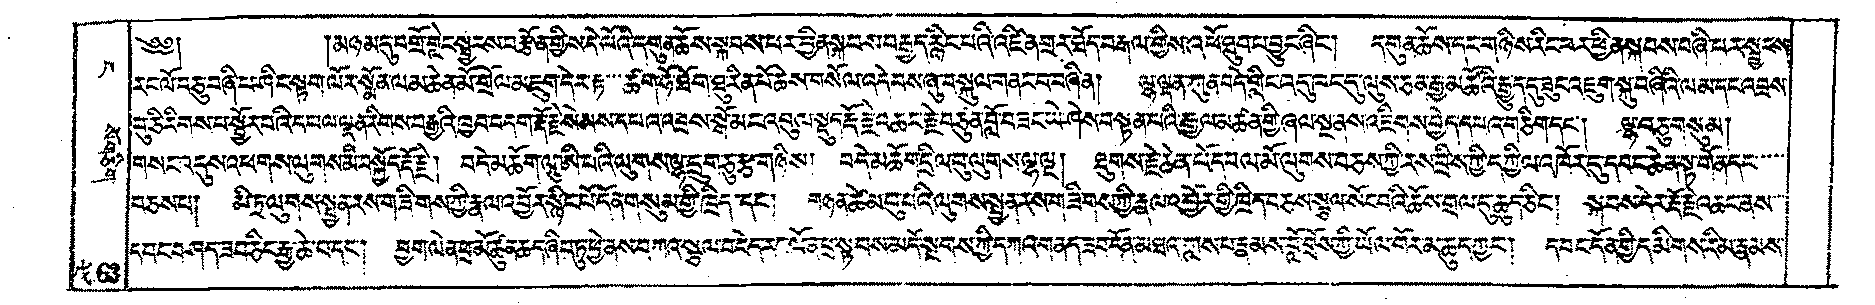༄༅། །མཉམ་དུ་བགྲོ་གླེང་སྦྱངས་བརྩོན་གྱིས་དེ་ལོའི་དགུན་ཆོས་སྐབས་ཕར་ཕྱིན་སྐབས་བརྒྱད་རྙིང་པའི་འཛིན་གྲར་ཐོད་བརྒལ་གྱིས་འཕོ་ཐུབ་པ་བྱུང་ཞིང་། དགུན་ཆོས་དང་གཉིས་རིང་ཕར་ཕྱིན་སྐབས་བཞི་པར་སྦྱངས་
རང་ལོ་བཅུ་བཞི་པ་ཤིང་སྟག་ལོར་སྨོན་ལམ་ཆེན་མོ་གྲོལ་མཇུག་དེར་རྟ་ཚག་ཧོ་ཐོག་ཐུ་རིན་པོ་ཆེས་གསོལ་འདེབས་ཞུ་བསྐུལ་གནང་བ་བཞིན། ལྷ་ལྡན་ཀུན་བདེ་གླིང་འདུ་ཁང་དུ་ལུས་ཅན་རྒྱ་མཚོའི་རྒྱུད་དུ་ཟུང་འཇུག་སྐུ་བཞིའི་ལམ་དང་འབྲས་
བུ་ཅི་རིགས་པ་སྦྱོར་བའི་དཔལ་ལྡན་རིགས་བརྒྱའི་ཁྱབ་བདག་རྡོ་རྗེ་སེམས་དཔའ་འབྲས་སྒོ་མང་འབུལ་སྡུད་རྡོ་རྗེ་འཆང་རྗེ་བཙུན་བློ་བཟང་ཡེ་ཤེས་བསྟན་པའི་རྒྱལ་མཚན་གྱི་ཞལ་སྔ་ནས་འཇིགས་བྱེད་དཔའ་གཅིག་དང་། ལྷ་བཅུ་གསུམ།
གསང་འདུས་འཕགས་ལུགས་མི་བསྐྱོད་རྡོ་རྗེ། བདེ་མཆོག་ལཱུ་ཨི་པའི་ལུགས་ལྷ་དྲུག་ཅུ་རྩ་གཉིས། བདེ་མཆོག་དྲིལ་བུ་ལུགས་ལྷ་ལྔ། ཐུགས་རྗེ་ཆེན་པོ་དཔལ་མོ་ལུགས་བཅས་ཀྱི་རས་བྲིས་ཀྱི་དཀྱིལ་འཁོར་དུ་དབང་ཆེན་སྟ་གོན་དང་
བཅས་པ། མི་ཏྲ་ལུགས་སྤྱན་རས་གཟིགས་ཀྱི་རྣལ་འབྱོར་སྙིང་པོ་དོན་གསུམ་གྱི་ཁྲིད་དང་། གཉན་ཚེམ་བུ་པའི་ལུགས་སྤྱན་རས་གཟིགས་ཀྱི་རྣལ་འབྱོར་གྱི་ཁྲིད་བཅས་སྩལ་སོང་བའི་ཆོས་གྲལ་དུ་ཆུད་ཅིང་། སྐབས་དེར་རྡོ་རྗེ་འཆང་ནས་
དབང་བཤད་ཟབ་ཅིང་རྒྱ་ཆེ་བ་དང་། ཕྱག་ལེན་ཕྲ་མོ་ཚུན་ཆད་ཞིབ་ཏུ་ཕྱེ་ནས་བཀའ་སྩལ་བ་ངེད་རང་ལོ་ན་ཕྲ་སྟབས་མདོ་སྔགས་ཀྱི་དཀའ་གནད་ཟབ་དོན་མཐའ་ཀླས་པ་རྣམས་བློ་གྲོས་ཀྱི་ཡོལ་གོར་མ་ཆུད་ཀྱང་། དབང་དོན་གྱི་དམིགས་རིམ་རྣམས་